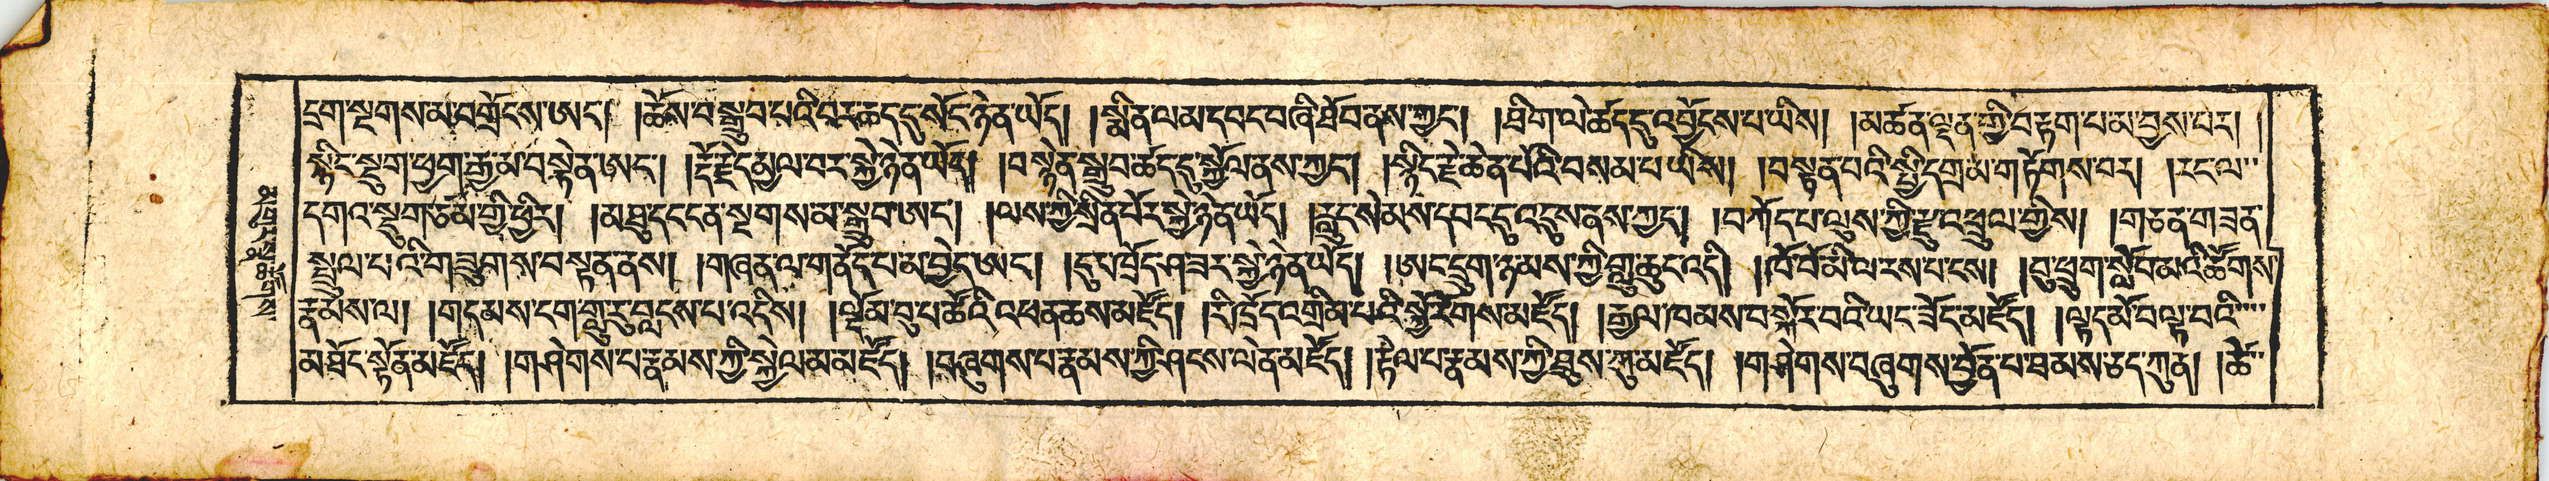དྲག་སྔགས་མ་བགྲོངས་ཨང་། །ཆོས་བསྒྲུབ་པའི་བར་ཆད་དུ་སོང་ཉེན་ཡོད། །སྨིན་ལམ་དབང་བཞི་ཐོབ་ནས་ཀྱང་། །ཐིག་ལེ་ཚད་དུ་འབྱོངས་པ་ཡིས། །མཚན་ལྡན་གྱི་བརྟག་པ་མ་བྱས་པར། །
སྙིང་སྡུག་ཕྱག་རྒྱ་མ་བསྟེན་ཨང་། །རྡོ་རྗེ་དམྱལ་བར་སྐྱེ་ཉེན་ཡོད། །བསྙེན་སྒྲུབ་ཚད་དུ་སྐྱོལ་ནས་ཀྱང། །སྙིང་རྗེ་ཆེན་པོའི་བསམ་པ་ཡིས། །བསྟན་པའི་སྤྱི་དགྲ་མ་གཏོགས་པར། །རང་ལ་
དགའ་སྡུག་ཙམ་གྱི་ཕྱིར། །མཐུ་དང་ངན་སྔགས་མ་སྒྲུབ་ཨང། །ལས་ཀྱི་སྲིན་པོར་སྐྱེ་ཉེན་ཡོད། །རླུང་སེམས་དབང་དུ་འདུས་ནས་ཀྱང་། །བཀོད་པ་ལུས་ཀྱི་རྫུ་འཕྲུལ་གྱིས། །གཅན་གཟན་
སྤྲུལ་པའི་གཟུགས་བསྟན་ནས། །གཞན་ལ་གནོད་པ་མ་བྱེད་ཨང། །དུར་ཁྲོད་ཤ་ཟར་སྐྱེ་ཉེན་ཡོད། །ཨང་དྲུག་ཉམས་ཀྱི་གླུ་ཆུང་འདི། །ཁོ་བོ་མི་ལ་རས་པ་པས། །བུ་ཕྲུག་སློབ་མའི་ཚོགས་
རྣམས་ལ། །གདམས་ངག་གླུ་རུ་བླངས་པ་འདིས། །ལྡོམ་བུ་པ་ཚོའི་འཕན་ཆས་མཛོད། །རི་ཁྲོད་འགྲིམ་པའི་སྐྱོ་རོགས་མཛོད། །རྒྱལ་ཁམས་བསྐོར་བའི་ཡང་ཟོང་མཛོད་། །ལྟད་མོ་བལྟ་བའི་
མཐོང་སྟོན་མཛོད། །གཤེགས་པ་རྣམས་ཀྱི་སྐྱེལ་མ་མཛོད། །བཞུགས་པ་རྣམས་ཀྱི་ཤངས་ལེན་མཛོད། །རྟེལ་པ་རྣམས་ཀྱི་ཐུས་ཀུ་མཛོད། །གཤེགས་བཞུགས་བྱོན་པ་ཐམས་ཅད་ཀུན། །ཚེ་